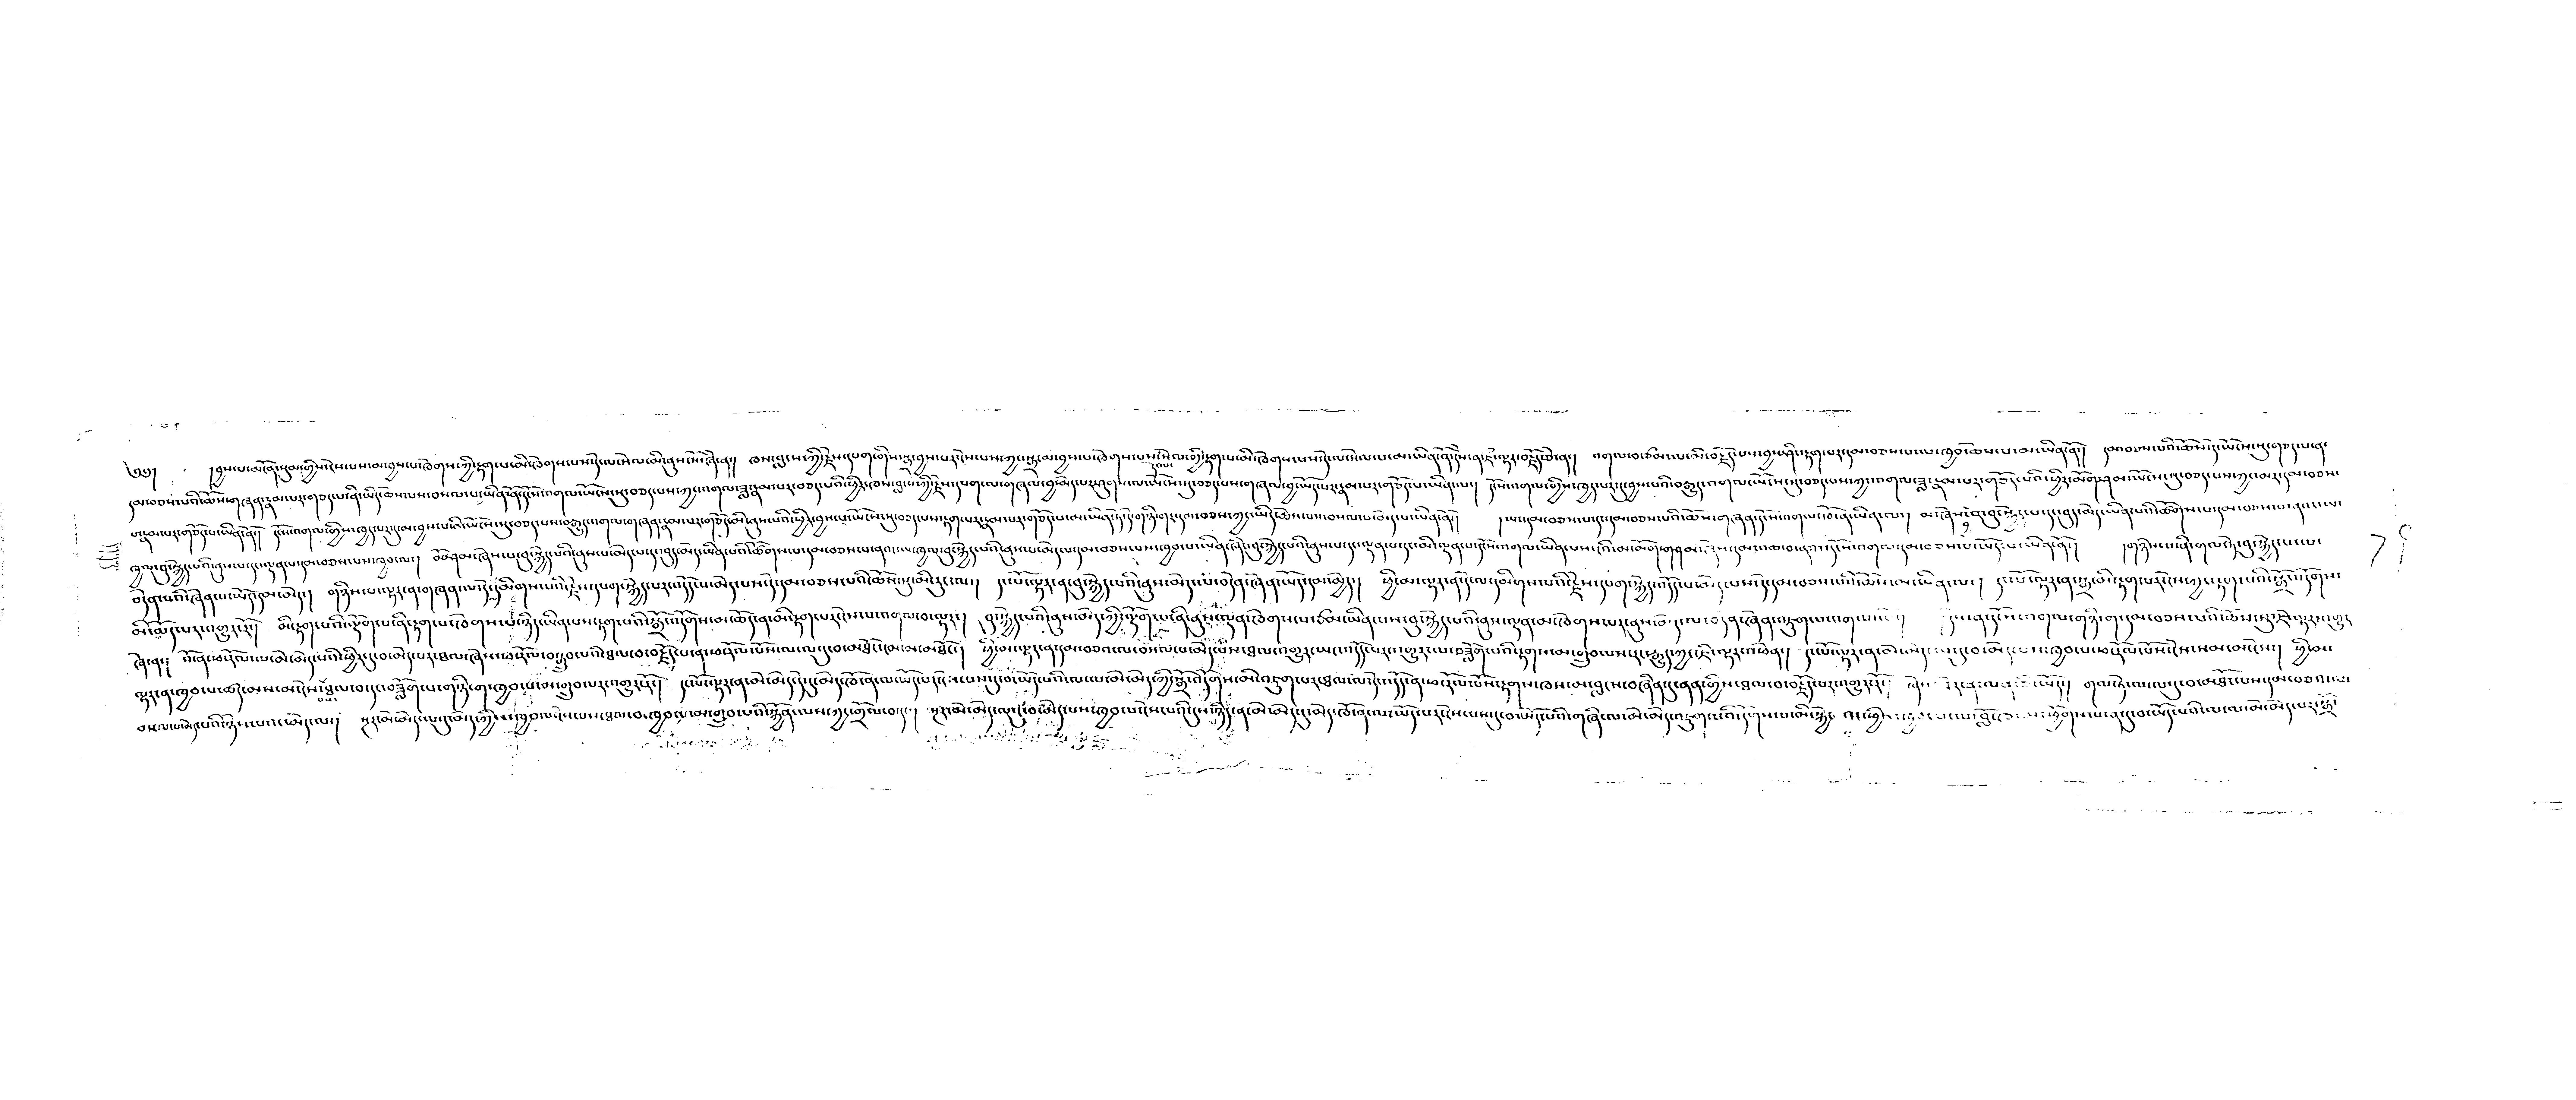༄༅། །བྱས་པ་མངོན་སུམ་གྱིས་ངེས་པས་མ་བྱས་པ་ཁེགས་ཀྱི་རྟག་པ་མི་ཁེགས་པས་དེ་ལ་སེལ་མི་ནུས་སོ་ཞེ་ན། ཁས་བླངས་ཀྱི་རྗེས་དཔག་གིས་སྒྲ་བྱས་པར་ངེས་པས་ཀྱང་སྒྲ་མ་བྱས་པ་ཁེགས་པས་དེ་ལ?་སེལ་གྱི་རྟག་པ་མི་ཁེགས་པས་དེ་ལ་སེལ་པ་མ་ཡིན་ནོ་དེས་ན་ཇི་ལྟར་བརྗོད་ཅེ་ན། འགལ་བ་ཙམ་ལ་མི་བརྗོད་པས་བྱས་ཤིང་རྟག་པར་དམ་བཅས་པ་ལ་ཁྱབ་ཆེས་པ་མ་ཡིན་ནོ། དམ་བཅའ་པའི་ཆོས་དེ་ཡོངས་སུ་གཅད་པ་ན་
དམ་བཅས་པའི་ཆོས་གཞན་རྣམ་པར་གཅད་པ་ནི་ཡིད་ཆེས་པས་བསལ་པ་ཡིན་ནོ་དངོས་འགལ་ཡོངས་སུ་བཅད་པས་ཀྱང་འགལ་ཟླ་རྣམ་པར་བཅད་པའི་ཕྱིར་ཁས་བླངས་ཀྱི་རྗེས་དཔག་ལ་གཞལ་བྱ་མེད་པར་ཤུགས་ལ་ཡོངས་སུ་བཅད་པས་གཞལ་བྱ་ཡོད་པར་རྣམ་པར་གཅོད་པ་ཡིན་ལ། དངོས་འགལ་གྱིས་ཁྱད་པར་དུ་བྱས་པའི་བརྒྱུད་འགལ་ཡོངས་སུ་བཅད་པས་ཀྱང་འགལ་ཟླ་རྣམ་པར་གཅོད་པའི་ཕྱིར་མོག་ཤམ་ཡོངས་སུ་བཅད་པས་ཀྱང་མར་དམ་བཅས་
པ་རྣམ་པར་གཅོད་པ་ཡིན་ནོ། དངོས་འགལ་གྱིས་ཁྱད་པར་དུ་མ་བྱས་པའི་ཡོངས་སུ་བཅད་པས་བརྒྱུད་འགལ་གཞན་རྣམ་པར་གཅོད་མི་ནུས་པའི་ཕྱིར་བྱས་པ་ཡོངས་སུ་བཅད་པས་རྟག་པར་རྣམ་པར་གཅོད་པ་མ་ཡིན་ཏེ་དེ་གཉི་གར་དམ་བཅས་ཀྱང་ཡིད་ཆེས་པས་བསལ་པ་མེད་པ་ཡིན་ནོ། །ཡང་དམ་བཅས་པ་དང་དམ་བཅས་པའི་ཆོས་གཞན་དངོས་འགལ་ཁོ་ན་ཡིན་ལ། མ་ཞེས་བྱ?་བུ་སྐྱེད་པ་དང་བུད་མེད་ཡིན་པའི་ཚོགས་པ་དམ་བཅས་པ་ནའང་ཡ་
ཁྱལ་བུ་སྐྱེད་པའི་ནུས་པ་དང་ལྡན་པ་དམ་བཅས་པས་ཁྱབ་ལ། མོ་ཤམ་ཞེས་པ་བུ་སྐྱེད་པའི་ནུས་པ་མེད་པ་དང་བུད་མེད་ཡིན་པའི་ཚོགས་པ་དམ་བཅས་པ་ནའང་ཡ་ཁྱལ་བུ་སྐྱེད་པའི་ནུས་པ་མེད་པ་དམ་བཅས་པས་ཁྱབ་པ་ཡིན་ཞིང་བུ་སྐྱེད་པའི་ནུས་པ་དང་ལྡན་པ་དང་མི་ལྡན་པ་དངོས་འགལ་ཡིན་པས་ངའི་མ་མོག་གཤམ་ཞེས་དམ་འཆ་བ་ནའང་དངོས་འགལ་དམ་བཅས་པ་ཡོད་པ་ཡིན་ནོ། །གཉིས་པ་ནི་གལ་ཏེ་བུ་སྐྱེད་པ་ལ་
བདེན་པའི་ཞེན་པ་ཡོད་དམ་མེད། གཉིས་པ་ལྟར་ན་གཞན་ལ་དེ་དམིགས་པའི་རྗེས་དཔག་སྐྱེད་པར་འདོད་པ་མེད་པས་དེ་དམ་བཅས་པའི་ཆོས་སུ་མི་རུང་ལ། དང་པོ་ལྟར་ན་བུ་སྐྱེད་པའི་ནུས་མེད་ལ་བདེན་ཞེན་ཡོད་དམ་མེད། ཕྱི་མ་ལྟར་ན་དེ་ལ་དམིགས་པའི་རྗེས་དཔག་སྐྱེད་འདོད་པ་མེད་པས་དེ་དམ་བཅས་པའི་ཆོས་མ་ཡིན་ལ། དང་པོ་ལྟར་ན་སྒྲ་མི་རྟག་པར་ངེས་ཀྱང་རྟག་པའི་སྒྲོ་འདོགས་
མི་མོད་པར་འགྱུར་རོ། མི་རྟག་པའི་ལྡོག་པ་ནི་རྟག་པ་ཁེགས་པ་ཉིད་ཡིན་པས་རྟག་པའི་སྒྲོ་འདོགས་མ་ཆོད་ན་མི་རྟག་པར་ངེས་པ་འགལ་བ་ལྟར། བུ་སྐྱེད་པའི་ནུས་མེད་ཀྱི་ལྡོག་པ་ནི་ནུས་ལྡན་ཁེགས་པ་ཙམ་ཡིན་པས་བུ་སྐྱེད་པའི་ནུས་ལྡན་མ་ཁེགས་པར་ནུས་མེད་ལ་བདེན་ཞེན་འཇུག་པ་འགལ་པའོ?། དེས་ན་དངོས་འགལ་གཉི་ག་དམ་བཅས་པའི་ཆོས་སུ་ཇི་ལྟར་འགྱུར་
ཞེ་ན། འོ་ན་ཕ་རོལ་ལ་མེ་མེད་པའི་ཕྱིར་དུ་བ་མེད་པར་ཐལ་ཞེས་ཕ་རོལ་བསྒྲུབ་པའི་ཐལ་བ་བརྗོད་པ་ན་ཕ་རོལ་པོས་ལ་ལ་དུ་བ་མཐོང་ངམ་མ་མཐོང་། ཕྱི་མ་ལྟར་ན་དམ་བཅའ་ལ་བསལ་པ་མེད་པས་ཐལ་འགྱུར་ཡང་འདོད་པར་འགྱུར་ལ་བཟློག་པའི་རྟགས་མ་གྲུབ་པས་རང་རྒྱུད་ཀྱང་ཇི་ལྟར་འཕེན། དང་པོ་ལྟར་ན་མེ་མེད་ལ་དུ་བ་མེད་པས་ཁྱབ་པ་ཕ་རོལ་པོས་ངེས་སམ་མ་ངེས། ཕྱི་མ་
ལྟར་ན་ཁྱབ་པ་ཚད་མས་མ་ངེས་པས་ཐལ་བ་དང་བཟློག་པ་གཉི་ག་ཁྱབ་པ་མ་གྲུབ་པར་འགྱུར་རོ། དང་པོ་ལྟར་ན་མེ་མེད་དེ་དུ་མེད་ཁོ་ན་ལ་ཡོད་པར་ངེས་པས་དུ་བ་ཡོད་པའི་ལ་ལ་མེ་མེད་ཀྱི་སྒྲོ་འདོགས་མི་འཇུག་པར་ཐལ་ལ་དེ་འདོད་ན་ཕ་རོལ་པོས་རྟགས་ཁས་མ་བླངས་བཞིན་དུ་ནན་གྱིས་ཐལ་བ་བརྗོད་པར་འགྱུར་རོ། ཞེས་པ?་ཟེར་ན་ལན་ཅི་ཡོད། གལ་ཏེ་ལང་པ?་དུ་བ་མཐོང་པས་དམ་བཅའ་ལ་
བསལ་པ་མེད་པའི་ཉེས་པའང་མེད་ལ། སྔར་མེ་མེད་ལ་དུ་མེད་ཀྱིས་ཁྱབ་པ་ངེས་པས་ཐལ་བ་ཁྱབ་པ་མ་གྲུབ་པའི་སྐྱོན་ལས་ཀྱང་གྲོལ་བ་དང་། སྔར་མེ་མེད་ལ་དུ་བ་མེད་པས་ཁྱབ་པ་ངེས་པའི་དུས་ཉིད་ན་མེ་མེད་དུ་མེད་ཁོ་ན་ལ་ཡོད་པར་ངེས་པས་དུ་བ་ཡོད་པའི་གཞི་ལ་མེ་མེད་འཇུག་པའི་དོགས་པ་མི་སྐྱེ་པའང?་ཕྱིར?་ཁྱབ་པ་ལ་བློ་ཁ་མ་ཕྱོགས་པ་ན་དུ་བ་ཡོད་པའི་ལ་ལ་མེ་མེད་པར་སྒྲོ་